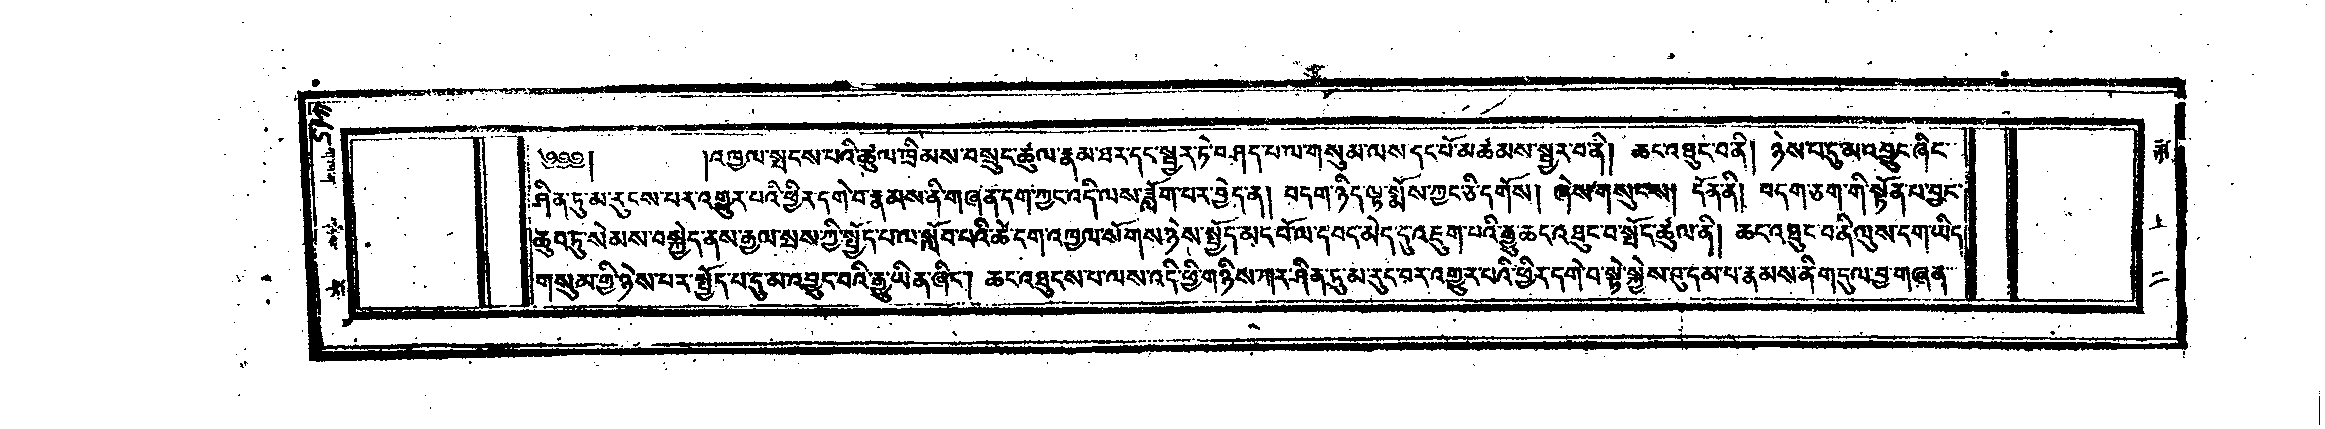༄༅༅། །འཁྱལ་སྤངས་པའི་ཚུལ་ཁྲིམས་བསྲུང་ཚུལ་རྣམ་ཐར་དང་སྦྱར་ཏེ་བཤད་པ་ལ་གསུམ་ལས་དང་པོ་མཚམས་སྦྱར་བ་ནི། ཆང་འཐུང་བ་ནི། ཉེས་པ་དུ་མ་འབྱུང་ཞིང་
ཤིན་ཏུ་མ་རུངས་པར་འགྱུར་པའི་ཕྱིར་དགེ་བ་རྣམས་ནི་གཞན་དག་ཀྱང་འདི་ལས་ཟློག་པར་བྱེད་ན། བདག་ཉིད་ལྟ་སྨོས་ཀྱང་ཅི་དགོས། ཞེས་གསུངས། དོན་ནི། བདག་ཅག་གི་སྟོན་པ་བྱང་
ཆུབ་ཏུ་སེམས་བསྐྱེད་ནས་རྒྱལ་སྲས་ཀྱི་སྤྱོད་པ་ལ་སློབ་པའི་ཚེ་ངག་འཁྱལ་སོགས་ཉེས་སྤྱོད་མང་པོ་ལ་དབང་མེད་དུ་འཇུག་པའི་རྒྱུ་ཆང་འཐུང་བ་སྤོང་ཚུལ་ནི། ཆང་འཐུང་བ་ནི་ལུས་ངག་ཡིད་
གསུམ་གྱི་ཉེས་པར་སྤྱོད་པ་དུ་མ་འབྱུང་བའི་རྒྱུ་ཡིན་ཞིང་། ཆང་འཐུངས་པ་ལས་འདི་ཕྱི་གཉིས་ཀར་ཤིན་ཏུ་མ་རུང་བར་འགྱུར་པའི་ཕྱིར་དགེ་བ་སྟེ་སྐྱེས་བུ་དམ་པ་རྣམས་ནི་གདུལ་བྱ་གཞན་